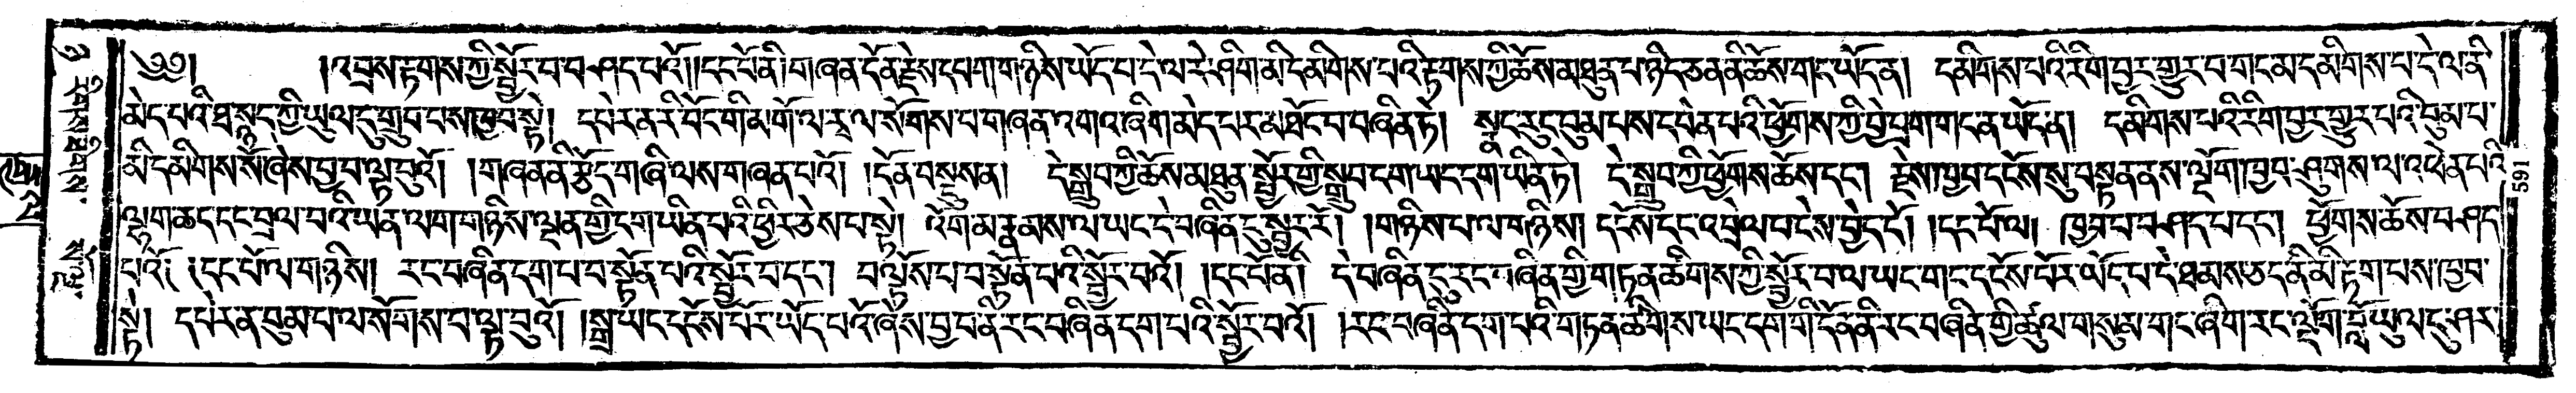༄༅། །འབྲས་རྟགས་ཀྱི་སྦྱོར་པ་བཤད་པའོ། །དང་པོ་ནི། གཞན་དོན་རྗེས་དཔག་གཉིས་ཡོད་པ་དེ་ལ་རེ་ཤིག་མི་དམིགས་པའི་རྟགས་ཀྱི་ཆོས་མཐུན་པ་ཉིད་ཅན་ནི་ཆོས་གང་ཡོད་ན། དམིགས་པའི་རིག་བྱར་གྱུར་པ་གང་མ་དམིགས་པ་དེ་ལ་ནི་
མེད་པའི་ཐ་སྙད་ཀྱི་ཡུལ་དུ་གྲུབ་པས་ཁྱབ་སྟེ། དཔེར་ན་རི་བོང་གི་མགོ་ལ་རྭ་ལ་སོགས་པ་གཞན་འགའ་ཞིག་མེད་པར་མཐོང་བ་བཞིན་ཏེ། སྣང་རུང་བུམ་པས་དབེན་པའི་ཕྱོགས་ཀྱི་བྱེ་བྲག་གང་ན་ཡོད་ན། དམིགས་པའི་རིག་བྱར་གྱུར་པའི་བུམ་པ་
མི་དམིགས་སོ་ཞེས་བྱ་བ་ལྟ་བུའོ། །གཞན་ནི་རྩོད་གཞི་ལས་གཞན་པའོ། །དོན་བསྡུས་ན། དེ་སྒྲུབ་ཀྱི་ཆོས་མཐུན་སྤྱོར་གྱི་སྒྲུབ་དག་ཡང་དག་ཡིན་ཏེ། དེ་སྒྲུབ་ཀྱི་ཕྱོགས་ཆོས་དང་། རྗེས་ཁྱབ་དངོས་སུ་བསྟན་ནས་ལྡོག་ཁྱབ་ཤུགས་ལ་འཕེན་པའི་
ལྷག་ཆད་དང་བྲལ་བའི་ཡན་ལག་གཉིས་ལྡན་གྱི་དག་ཡིན་པའི་ཕྱིར་ཅེས་པ་སྟེ། འོག་མ་རྣམས་ལ་ཡང་དེ་བཞིན་དུ་སྦྱར་རོ། །གཉིས་པ་ལ་གཉིས། དངོས་དང་འབྲེལ་པ་ངེས་བྱེད་ངོ། །དང་པོ་ལ། ཁྱབ་པ་བཤད་པ་དང་། ཕྱོགས་ཆོས་བཤད་
པའོ༑ ༑དང་པོ་ལ་གཉིས། རང་བཞིན་དག་པ་བསྟོན་པའི་སྦྱོར་བ་དང་། བལྟོས་པ་བསྟོན་པའི་སྦྱོར་བའོ། །དང་པོ་ནི། དེ་བཞིན་དུ་རང་བཞིན་གྱི་གཏན་ཚིགས་ཀྱི་སྦྱོར་བ་ལ་ཡང་གང་དངོས་པོར་ཡོད་པ་དེ་ཐམས་ཅད་ནི་མི་རྟག་པས་ཁྱབ་
སྟེ། དཔེར་ན་བུམ་པ་ལ་སོགས་པ་ལྟ་བུའོ། །སྒྲ་ཡང་དངོས་པོར་ཡོད་པའོ་ཞེས་བྱ་བ་ནི་རང་བཞིན་དག་པའི་སྦྱོར་བའོ། །རང་བཞིན་དག་པའི་གཏན་ཚིགས་ཡང་དག་གི་དོན་ནི་རང་བཞིན་གྱི་ཚུལ་གསུམ་གང་ཞིག་རང་ལྡོག་བློ་ཡུལ་དུ་ཤར་